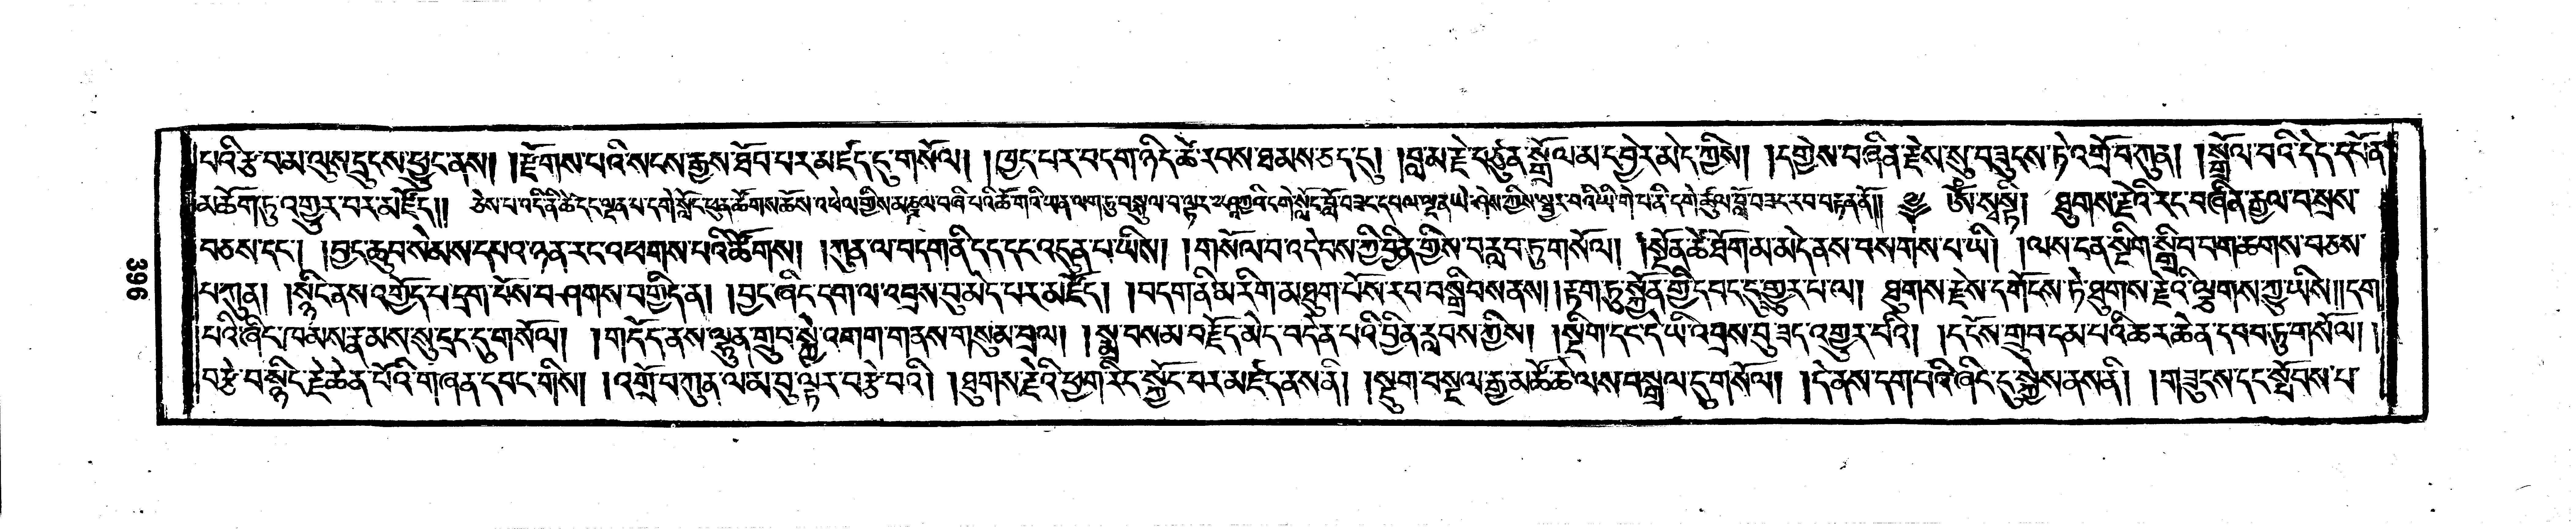པའི་རྩ་བ་མ་ལུས་དྲུངས་ཕྱུང་ནས། །རྫོགས་པའི་སངས་རྒྱས་ཐོབ་པར་མཛད་དུ་གསོལ། །ཁྱད་པར་བདག་ཉིད་ཚེ་རབས་ཐམས་ཅད་དུ། །བླ་མ་རྗེ་བཙུན་སྒྲོལ་མ་དབྱེར་མེད་ཀྱིས། །དགྱེས་བཞིན་རྗེས་སུ་བཟུངས་ཏེ་འགྲོ་བ་ཀུན། །སྒྲོལ་བའི་དེད་དཔོན་
མཆོག་ཏུ་འགྱུར་བར་མཛོད།། ཅེས་པ་འདི་ནི་ཚེ་དང་ལྡན་པ་དགེ་སློང་ཕུན་ཚོགས་ཆོས་འཕེལ་གྱིས་མཎྜལ་བཞི་པའི་ཆོ་གའི་ཡན་ལག་ཏུ་བསྐུལ་བ་ལྟར་༧་ཤཱཀྱའི་དགེ་སློང་བློ་བཟང་དཔལ་ལྡན་ཡེ་ཤེས་ཀྱིས་སྦྱར་བའི་ཡི་གེ་པ་ནི་དགེ་ཚུལ་བློ་བཟང་རབ་བརྟན་ནོ།། ༈ ཨོཾ་སྭསྟི། ཐུགས་རྗེའི་རང་བཞིན་རྒྱལ་བ་སྲས་
བཅས་དང་། །བྱང་ཆུབ་སེམས་དཔའ་ཉན་རང་འཕགས་པའི་ཚོགས། །ཀུན་ལ་བདག་ནི་དད་དང་འདུན་པ་ཡིས། །གསོལ་བ་འདེབས་ཀྱི་བྱིན་གྱིས་བརླབ་ཏུ་གསོལ། །སྔོན་ཚེ་ཐོག་མ་མེད་ནས་བསགས་པ་ཡི། །ལས་ངན་སྡིག་སྒྲིབ་བག་ཆགས་བཅས་
པ་ཀུན། །སྙིང་ནས་འགྱོད་པ་དྲག་པོས་བཤགས་བགྱིད་ན། །བྱང་ཞིང་དག་ལ་འབྲས་བུ་མེད་པར་མཛོད། །བདག་ནི་མ་རིག་མཐུག་པོས་རབ་བསྒྲིབས་ནས། །རྟག་ཏུ་སྐྱོན་གྱི་དབང་དུ་གྱུར་པ་ལ། ཐུགས་རྗེས་དགོངས་ཏེ་ཐུགས་རྗེའི་ལྕགས་ཀྱུ་ཡིས། །དག་
པའི་ཞིང་ཁམས་རྣམས་སུ་དྲང་དུ་གསོལ། །གདོད་ནས་ལྷུན་གྲུབ་སྐྱེ་འགག་གནས་གསུམ་བྲལ། །སྨྲ་བསམ་བརྗོད་མེད་བདེན་པའི་བྱིན་རླབས་ཀྱིས། །སྡིག་དང་དེ་ཡི་འབྲས་བུ་ཟད་འགྱུར་བའི། །དངོས་གྲུབ་དམ་པའི་ཆར་ཆེན་དབབ་ཏུ་གསོལ།།
བརྩེ་བ་སྙིང་རྗེ་ཆེན་པོའི་གཞན་དབང་གིས། །འགྲོ་བ་ཀུན་ལ་མ་བུ་ལྟར་བརྩེ་བའི། །ཐུགས་རྗེའི་ཕྱག་རིང་སྐྱོང་བར་མཛད་ནས་ནི། །སྡུག་བསྔལ་རྒྱ་མཚོ་ཆེ་ལས་བསྒྲལ་དུ་གསོལ། །དེ་ནས་དག་པའི་ཞིང་དུ་སྐྱེས་ནས་ནི། །གཟུངས་དང་སྤོབས་པ་